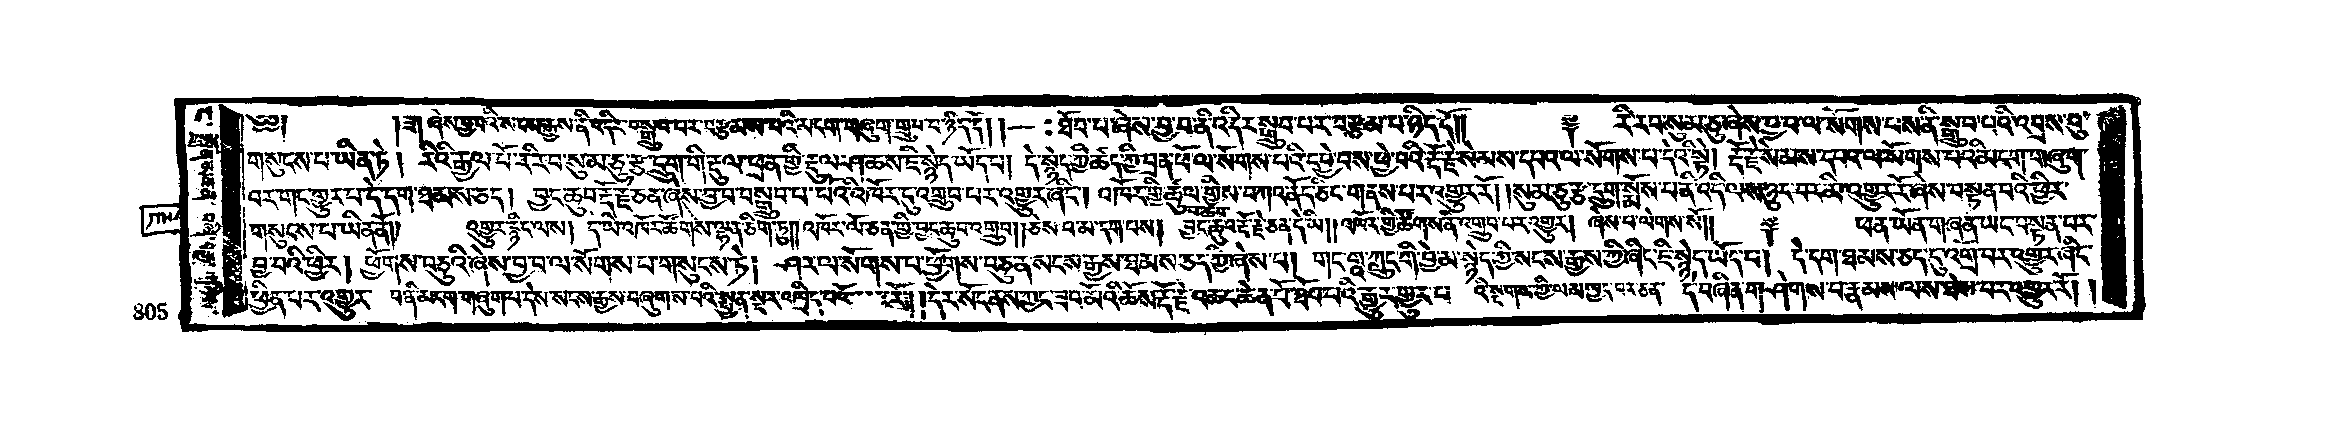༄༅། །ཟ། ཞེས་བྱ་བའི་སངས་རྒྱས་ནི་འདིར་བསྒྲུབ་པར་བརྩམས་པའི་མངག་གཞུག་གྲུབ་པ་ཉིད་དོ།། .H ཐོབ་པ་ཞེས་བྱ་བ་ནི་འདིར་སྒྲུབ་པར་བརྩམ་པ་ཉིད་དོ།། ༈ རི་རབ་སུམ་ཅུ་ཞེས་བྱ་བ་ལ་སོགས་པས་ནི་སྒྲུབ་པའི་འབྲས་བུ་
གསུངས་པ་ཡིན་ཏེ། རིའི་རྒྱལ་པོ་རི་རབ་སུམ་ཅུ་རྩ་དྲུག་གི་རྡུལ་ཕྲན་གྱི་རྡུལ་ཤ་ཆས་ཇི་སྙེད་ཡོད་པ། དེ་སྙེད་ཀྱི་ཚད་ཀྱི་བྲན་ཕོ་ལ་སོགས་པའི་དབྱེ་བས་ཕྱེ་བའི་རྡོ་རྗེ་སེམས་དཔའ་ལ་སོགས་པ་དེའི་སྟེ། རྡོ་རྗེ་སེམས་དཔའ་ལ་སོགས་པའི་མངག་གཞུག་
བར་གང་གྱུར་པ་དེ་དག་ཐམས་ཅད། བྱང་ཆུབ་རྡོ་རྗེ་ཅན་ཞེས་བྱ་བ་བསྒྲུབ་པ་པོའི་འཁོར་དུ་འགྲུབ་པར་འགྱུར་ཞིང་། འཁོར་གྱི་ཚུལ་གྱིས་བཀའ་ནོད་ཅིང་གནས་པར་འགྱུར་རོ། །སུམ་ཅུ་རྩ་དྲུག་སྨོས་པ་ནི་འདི་ལས་ཉུང་བར་མི་འགྱུར་རོ་ཞེས་བསྟན་པའི་ཕྱིར་
གསུངས་པ་ཡིན་ནོ།། འགྱུར་རྙིང་ལས། དེ་ཡི་འཁོར་ཚོགས་ལྷན་ཅིག་ཏུ། །འཁོར་ལོ་ཅན་གྱི་བྱང་ཆུབ་འགྲུབ། །ཅེས་པ་མ་དག་པས། པ་ཚབ་བྱང་ཆུབ་རྡོ་རྗེ་ཅན་དེ་ཡི། །འཁོར་གྱི་ཚོགས་ནི་འགྲུབ་པར་འགྱུར། ཞེས་པ་ལེགས་སོ།།  ༈ ཕན་ཡོན་གཞན་ཡང་བསྟན་པར་
བྱ་བའི་ཕྱིར། ཕྱོགས་བཅུའི་ཞེས་བྱ་བ་ལ་སོགས་པ་གསུངས་ཏེ། ཤར་ལ་སོགས་པ་ཕྱོགས་བཅུ་ན་སངས་རྒྱས་ཐམས་ཅད་ཀྱི་ཞེས་པ། གང་གཱ་ཀླུང་གི་བྱེ་མ་སྙེད་ཀྱི་སངས་རྒྱས་ཀྱི་ཞིང་ཇི་སྙེད་ཡོད་པ། དེ་དག་ཐམས་ཅད་དུ་འགྲོ་བར་འགྱུར་ཞིང་
ཕྱིན་པར་འགྱུར་བ་ནི་མངག་གཞུག་པ་དེས་སངས་རྒྱས་བཞུགས་པའི་སྤྱན་སྔར་འཁྲིད་པའོ་རོ།  །དེར་སོང་ནས་ཀྱང་ཟབ་མོའི་ཆོས་རྡོ་རྗེ་འཆང་ཆེན་པོ་ཐོབ་པའི་རྒྱུར་གྱུར་པའི་སྔགས་ཀྱི་ལམ་ཁྱད་པར་ཅན་དེ་བཞིན་གཤེགས་པ་རྣམས་ལས་ཐོས་པར་འགྱུར་རོ། །